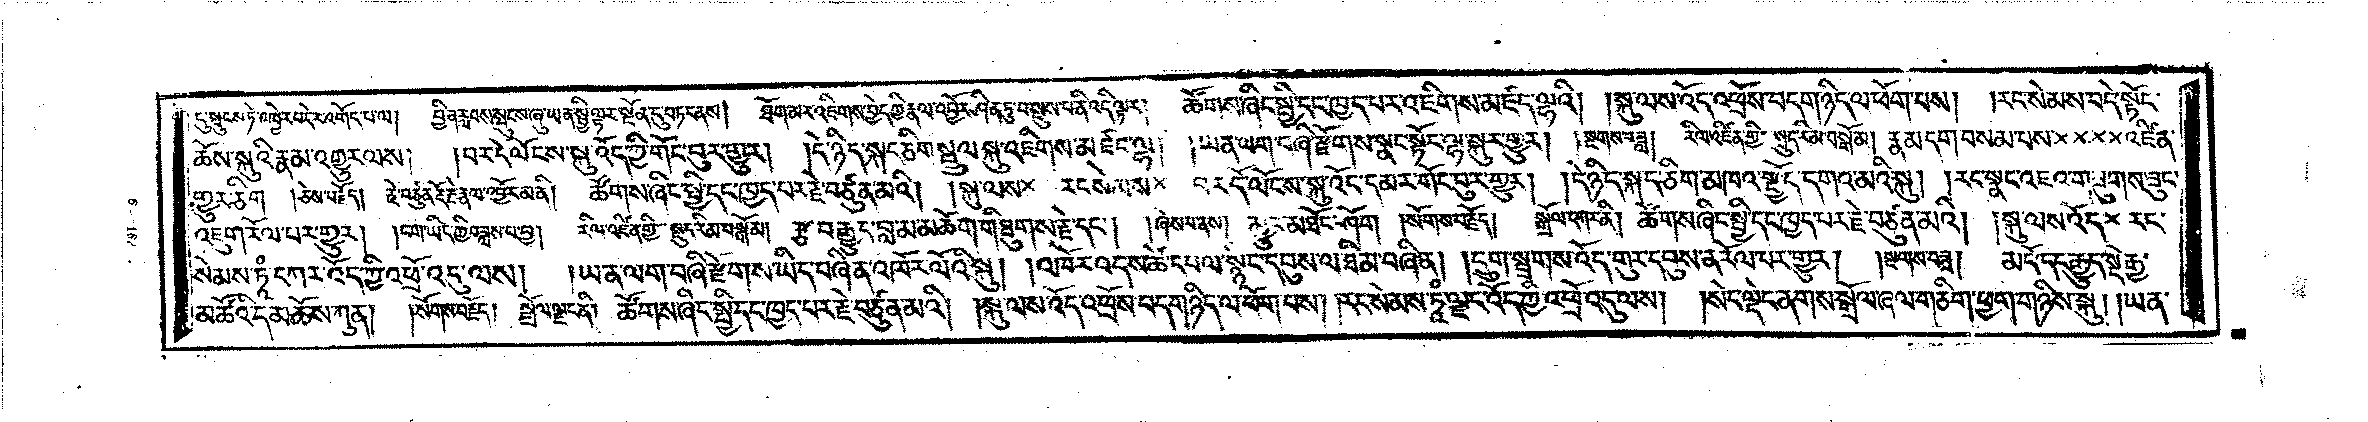དུ་?་ཏེ་འཁྱེར་འདེར་འགོད་པ་ལ། བྱིན་རླབས་སྤུངས་ཞུ་ཡན་སྤྱི་ལྟར་སྔོན་དུ་བཏང་ནས། ཐོག་མར་འཇིགས་བྱེད་ཀྱི་རྣལ་འབྱོར་ཤིན་ཏུ་བསྡུས་བ་ནི་འདི་ལྟར། ཚོགས་ཞིང་སྤྱི་དང་ཁྱད་པར་འཇིགས་མཛད་ལྷའི། །སྐུ་ལས་འོད་འཕྲོས་བདག་ཉིད་ལ་ཕོག་པས། །རང་སེམས་བདེ་སྟོང་
ཆོས་སྐུའི་རྣམ་འགྱུར་ལས། །བར་དེ་ལོངས་སྐུ་འོད་ཀྱི་གོང་བུར་གྱུར། །དེ་ཉིད་སྐད་ཅིག་སྦྲུལ་སྐུ་འཇིགས་མཛད་ལྷ། །ཡན་ལག་བཞི་རྫོགས་སྣང་སྟོང་ལྷ་སྐུར་གྱུར། །སྔགས་བཟླ། རིལ་འཛིན་གྱི་?་རིམ་བསྒོམ།  རྣམ་དག་བསམ་པས་྾་྾་྾་྾་འཛིན་
གྱུར་ཅིག་།ཅེས་བརྗོད། རྗེ་བཙུན་རྡོ་རྗེ་རྣལ་འབྱོར་མ་ནི།  ཚོགས་ཞིང་སྤྱི་དང་ཁྱད་པར་རྗེ་བཙུན་མའི། །སྐུ་ལས་྾་རང་སེམས་྾་བར་དོ་ལོངས་སྐུ་འོང་དམར་གོང་བུར་གྱུར། །དེ་ཉིད་སྐད་ཅིག་མཁའ་སྤྱོད་དགའ་མའི་སྐུ། །རང་སྣང་འཇའ་གཟུགས་ཟུང་
འཇུག་རོལ་པར་གྱུར། །ངག་ཡིད་ཀྱི་བཟླས་པ་བྱ། རིལ་འཛིན་གྱི་སྡུད་རིམ་བསྒོམ།  རྩ་བརྒྱུད་བླ་མ་མཆོག་གི་ཐུགས་རྗེ་དང་། །ཞེས་པ་ནས།  མྱུར་མཐོང་ཤོག་།སོགས་བརྗོད། སྒྲོལ་དཀར་ནི།  ཚོགས་ཞིང་སྤྱི་དང་ཁྱད་པར་རྗེ་བཙུན་མའི། །སྐུ་ལས་འོད་྾་རང་
སེམས་ཏཱཾ་དཀར་འོད་ཀྱི་འཕྲོ་འདུ་ལས། །ཡན་ལག་བཞི་རྫོགས་ཡིད་བཞིན་འཁོར་ལོའི་སྐུ། །འཁོར་འདས་ཚེ་དཔལ་སྙིང་དབུས་ལ་ཐིམ་བཞིན། །དྲུག་སྦྲགས་འོད་གུར་དབུས་ན་རོལ་པར་གྱུར། །ལྔགས་བཟླ།  མདོ་དང་རྒྱུད་སྡེ་རྒྱ་
མཚོའི་དམ་ཆོས་ཀུན། །སོགས་བརྗོད། སྒྲོལ་ལྗང་ནི།  ཚོགས་ཞིང་སྤྱི་དང་ཁྱད་པར་རྗེ་བཙུན་མའི། །སྐུ་ལས་འོད་འཕྲོས་བདག་ཉིད་ལ་ཕོག་པས། །རང་སེམས་ཏཱཾ་ལྗང་འོད་ཀྱི་འཕྲོ་འདུ་ལས། །སེང་ལྡེང་ནགས་སྒྲོལ་ཞལ་གཅིག་ཕྱག་གཉིས་སྐུ། །ཡན་